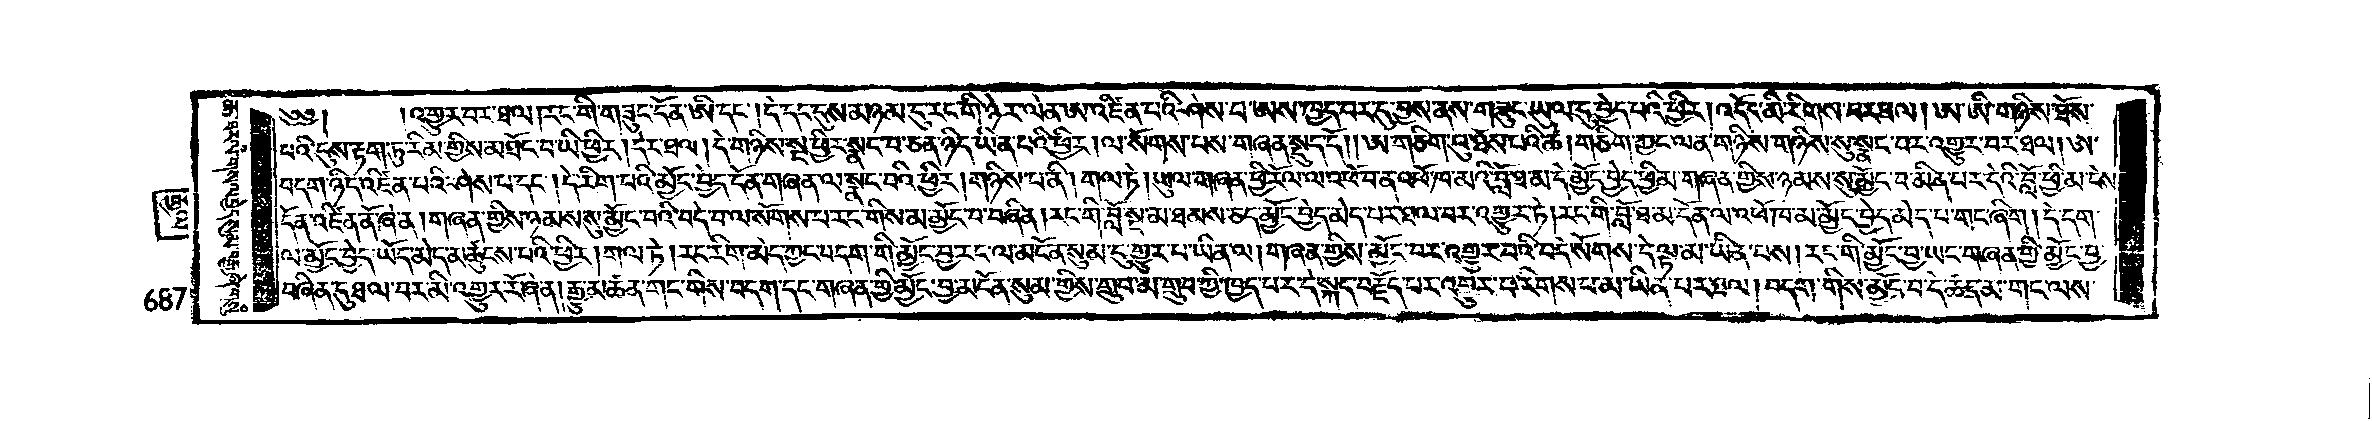༄༅། །འགྱུར་བར་ཐལ། རང་གི་གཟུང་དོན་ཨི་དང་། དེ་དང་དུས་མཉམ་དུ་རང་གི་ཉེར་ལེན་ཨ་འཛིན་པའི་ཤེས་པ་ཨས་ཁྱད་པར་དུ་བྱས་ནས་གཟུང་ཡུལ་དུ་བྱེད་པའི་ཕྱིར། འདོད་མི་རིགས་པར་ཐལ། ཨ་ཨི་གཉིས་ཐོས་
པའི་དུས་རྟག་ཏུ་རིམ་གྱིས་མཐོང་བ་ཡི་ཕྱིར། དེར་ཐལ། དེ་གཉིས་སྔ་ཕྱིར་སྣང་བ་ཅན་ཉིད་ཡིན་པའི་ཕྱིར། ལ་སོགས་པས་གཞན་སྡུད་དོ། །ཨ་གཅིག་པུ་ཐོས་པའི་ཚེ། གཅིག་ཀྱང་ལན་གཉིས་གཉིས་སུ་སྣང་བར་འགྱུར་བར་ཐལ། ཨ་
བདག་ཉིད་འཛིན་པའི་ཤེས་པ་དང་། དེ་རིག་པའི་མྱོང་བྱེད་དེན་གཞན་ལ་སྣང་བའི་ཕྱིར། གཉིས་པ་ནི། གལ་ཏེ། ཡུལ་གཞན་ཕྱི་རོལ་ལ་འཕོ་བ་ན་འཕོ་ཁ་མའི་བློ་ཐ་མ་དེ་མྱོང་བྱེད་ཕྱི་མ་གཞན་གྱིས་ཉམས་སུ་མྱོང་བ་མིན་པར་དེའི་བློ་ཕྱི་མ་ངེས་
དོན་འཛིན་ནོ་ཞེ་ན། གཞན་གྱིས་ཉམས་སུ་མྱོང་བའི་བདེ་བ་ལ་སོགས་པ་རང་གིས་མ་མྱོང་བ་བཞིན། རང་གི་བློ་སྔ་མ་ཐམས་ཅད་མྱོང་བྱེད་མེད་པར་ཐལ་བར་འགྱུར་ཏེ། རང་གི་བློ་ཐ་མ་དོན་ལ་འཕོ་ཁ་མ་མྱོང་བྱེད་མེད་པ་གང་ཞིག །དེ་དག་
ལ་མྱོང་བྱེད་ཡོད་མེད་མཚུངས་པའི་ཕྱིར། གལ་ཏེ། རང་རིག་མེད་ཀྱང་བདག་གི་མྱོང་བྱ་རང་ལ་མངོན་སུམ་དུ་གྱུར་པ་ཡིན་ལ། གཞན་གྱིས་མྱོང་བར་འགྱུར་བའི་བདེ་སགས་དེ་ལྟ་མ་ཡིན་པས། རང་གི་མྱོང་བྱ་ཡང་གཞན་གྱི་མྱོང་བྱ་
བཞིན་དུ་ཐལ་བར་མི་འགྱུར་རོ་ཞེ་ན། རྒྱུ་མཚན་གང་གིས་བདག་དང་གཞན་གྱི་མྱོང་བྱ་མངོན་སུམ་གྱིས་གྲུབ་མ་གྲུབ་ཀྱི་ཁྱད་པར་དེ་སྐད་བརྗོད་པར་འགྱུར་བ་རིགས་པ་མ་ཡིན་པར་ཐལ། བདག་གིས་མྱོང་བ་དེ་ཚད་མ་གང་ལས་